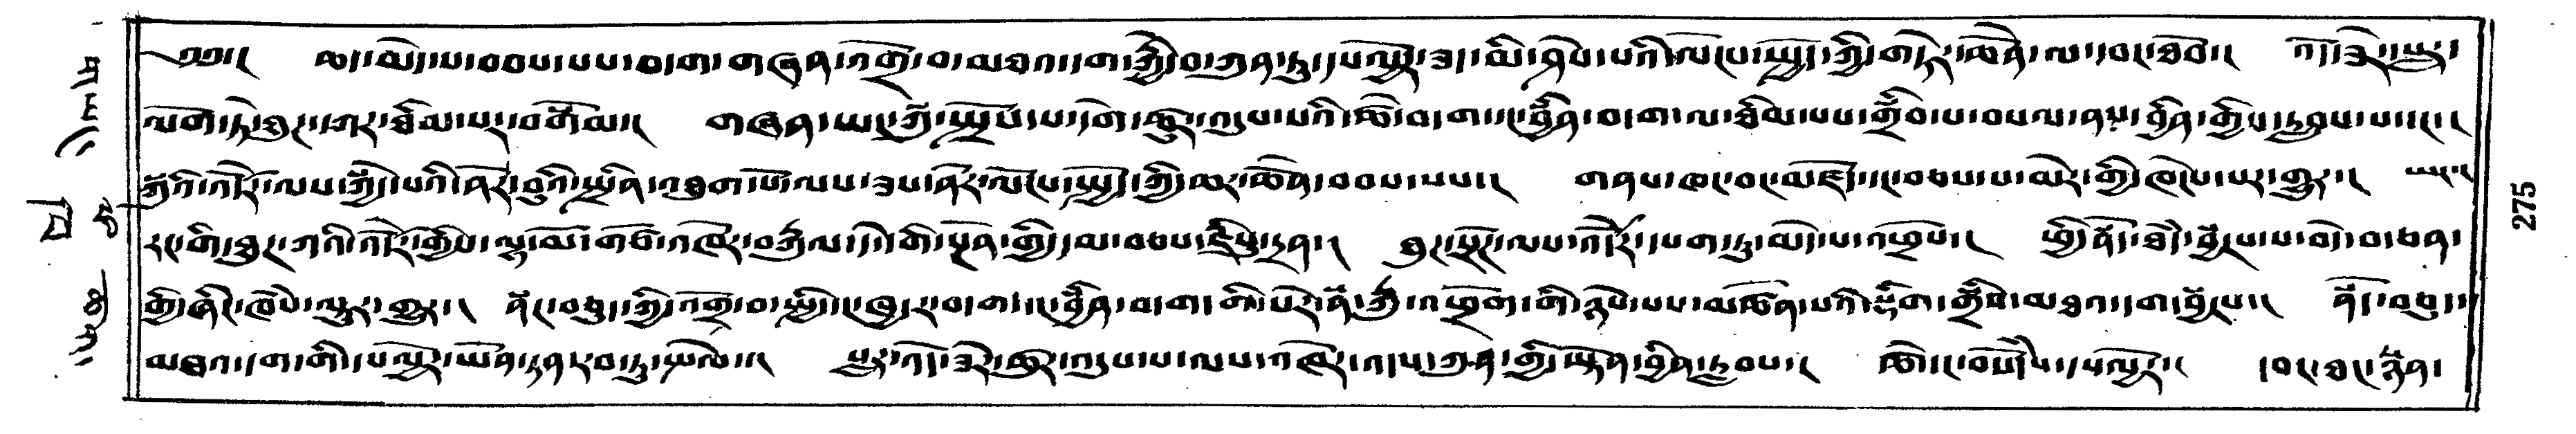ཆད་མེད་པ་བབས་པས་བདག་གཞན་འགྲོ་བ་མཐའ་དག་སྐྱེ་བ་ཀུན་ཏུ་དཔལ་འབྱོར་ཟད་མི་ཤེས་པའི་ལོངས་སྤྱོད་ཀྱི་གཏེར་ཆེན་པོ་ལ་དབང་ཐོབ། །འོད་ཟེར་སླར་
ལོག་ཏེ་ཐུགས་དཀར་ཐིམ་པར་བསྒོམ། །གཞན་ཡང་སྐུ་སྤྲོས་པ་དེ་དག་ཚུར་འདུས་པའི་ཚེ་བདག་དང་སྦྱིན་བདག་ལ་ཐིམ་པས་སྒྲིབ་པ་བསལ་ནས་བྱིན་གྱིས་རླབས་པ་དང་།
སྐུའི་འོད་ཟེར་ལས་སྐྱེད་པའི་ནོར་བུའི་སྤྲིན་འཐུག་པོ་ལས་ནོར་ལོངས་སྤྱོད་ཀྱི་ཆར་ཆེན་པོ་བབས་པས། གནས་ཁང་བང་མཛོད་དང་བཅས་པ་མེར་གྱི་ཁེངས་པར་གྱུར། ཡང་
རང་གི་ཐུགས་ཀའི་འོད་ཟེར་གྱིས་ལྷ་མོ་གཙོ་འཁོར་བསྐུལ། དེ་དག་གི་སྔོན་གྱི་དམ་བཅའ་རྗེས་སུ་དྲན། ཐུགས་སྲོག་ལས་འོད་ཟེར་དཔག་ཏུ་མེད་པ་འཕྲོས། ཕྱི་སྣོད་ཐམས་ཅད་སྦྱངས་པས་བདེ་བ་ཅན་
གྱི་ཞིང་ཁམས་ལྟ་བུར་གྱུར། ནང་བཅུད་ཀྱི་འགྲོ་བ་སྤྱི་དང་ཁྱད་པར་བདག་དང་བྱིན་བདག་གི་སེར་སྣ་རྐུ་འཕྲོག་གི་ཉེས་པས་མཚོན་པའི་སྡིག་སྒྲིབ་མཐའ་དག་སྦྱངས། སྣོད་བཅུད་
མཐའ་དག་གི་དཔལ་འབྱོར་ཡོན་ཏན་རབ་ཏུ་སྤེལ། སླར་འོད་ཟེར་ཚུར་འདུས་པ་ལས་འཁོར་འདས་ཀུན་གྱི་ཡོན་ཏན་བྱིན་རླབས། ཚེ་དང་བསོད་ནམས། དཔལ་འབྱོར། དབང་ཐང་སྙན་